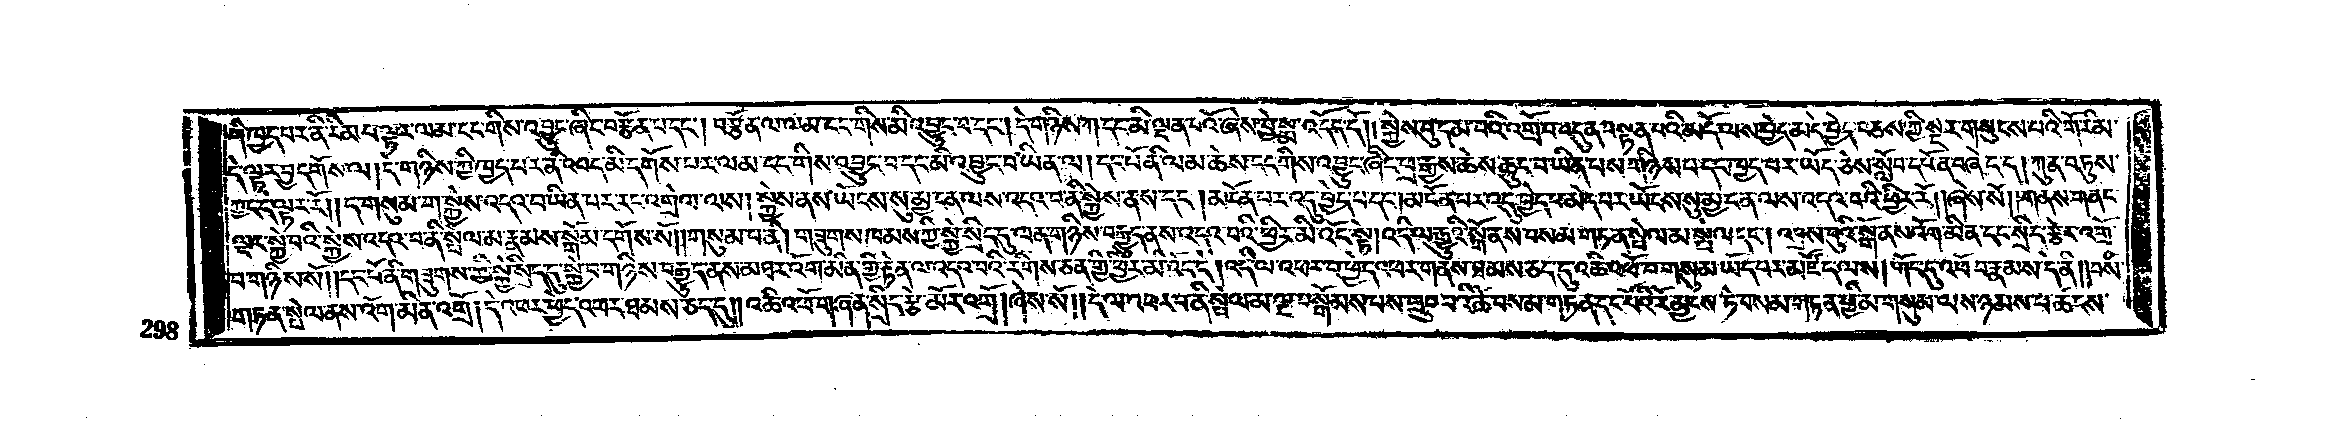གི་ཁྱད་པར་ནི་རིམ་པ་ལྟར་ལམ་དང་གིས་འབྱུང་ཞིང་བརྩོན་པ་དང་། བརྩོན་ལ་ལམ་དང་གིས་མི་འབྱུང་བ་དང་། དེ་གཉིས་ཀ་དང་མི་ལྡན་པའོ་ཞེས་ཀྱི་སྨྲ་འདོད་དོ། །སྐྱེས་བུ་དམ་བའི་འགྲོ་བ་བདུན་བསྟན་པའི་མདོ་ལས་བྱེད་མེད་བྱེད་བཅས་ཀྱི་སྔར་གསུངས་པའི་གོ་རིམ་
དེ་ལྟར་བྱ་དགོས་ལ། དེ་གཉིས་ཀྱི་ཁྱད་པར་ནི་འབད་མི་དགོས་པར་ལམ་ངང་གིས་འབྱུང་བ་དང་མི་འབྱུང་བ་ཡིན་ལ། དང་པོ་ནི་ལམ་ཆེས་དང་གིས་འབྱུང་ཞིང་ཕྲ་རྒྱས་ཆེས་ཆུང་བ་ཡིན་པས་གཉིས་པ་དང་ཁྱད་པར་ཡོད་ཅེས་སློབ་དཔོན་བཞེད་དེ། ཀུན་བཏུས་
ཀྱང་དེ་ལྟར་རོ། །དེ་གསུམ་ག་སྐྱེས་འདའ་བ་ཡིན་པར་རང་འགྲེལ་ལས། སྐྱེས་ནས་ཡོངས་སུ་མྱ་ངན་ལས་འདའ་བ་ནི་སྐྱེས་ནས་དང་། མངོན་པར་འདུ་བྱེད་པ་དང་། མངོན་པར་འདུ་བྱེད་པ་མེད་པར་ཡོངས་སུ་མྱ་ངན་ལས་འདའ་བའི་ཕྱིར་རོ། །ཞེས་སོ། །གནས་གཙང་
ལྔར་སྐྱེ་བའི་སྐྱེས་འདའ་བ་ནི་སྤེལ་མ་རྣམས་སྒོམ་དགོས་སོ། །གསུམ་པ་ནི། གཟུགས་ཁམས་ཀྱི་སྐྱེ་སྲིད་དུ་ལན་གཉིས་བརྒྱུད་ནས་འདའ་བའི་ཕྱིར་མི་འོང་སྟེ། འདི་ལ་རྒྱུའི་སྒོ་ནས་བསམ་གཏན་སྤེལ་མ་སྤེལ་དང་། འབྲས་བུའི་སྒོ་ནས་འོག་མིན་དང་སྲིད་རྩེར་འགྲོ་
བ་གཉིས་སོ། །དང་པོ་ནི་གཟུགས་ཀྱི་སྐྱེ་སྲིད་དུ་སྐྱེ་བ་གཉིས་བརྒྱུད་ནས་མཐར་འོག་མིན་གྱི་རྟེན་ལ་འདའ་བའི་རིགས་ཅན་གྱི་ཕྱིར་མི་འོང་དེ། འདི་ལ་འཕར་བ་ཕྱེད་འཕར་གནས་ཐམས་ཅད་དུ་འཆི་འཕོ་བ་གསུམ་ཡོད་པར་མཛོད་ལས། གོང་དུ་འཕོ་བ་རྣམས་དེ་ནི། །བསཾ་
གཏན་སྤེལ་ནས་འོག་མིན་འགྲོ། དེ་འཕར་ཕྱེད་འཕར་ཐམས་ཅད་དུ། །འཆི་འཕོ་གཞན་སྲིད་རྩེ་མོར་འགྲོ། ཞེས་སོ། །དེ་ལ་འཕར་བ་ནི་སྤེལ་མ་ལྔ་བསྒོམས་པས་གྲུབ་པའི་ཚེ་བསམ་གཏན་དང་པོའི་རོ་མྱངས་ཏེ་བསམ་གཏན་ཕྱི་མ་གསུམ་ལས་ཉམས་པ་ཚངས་